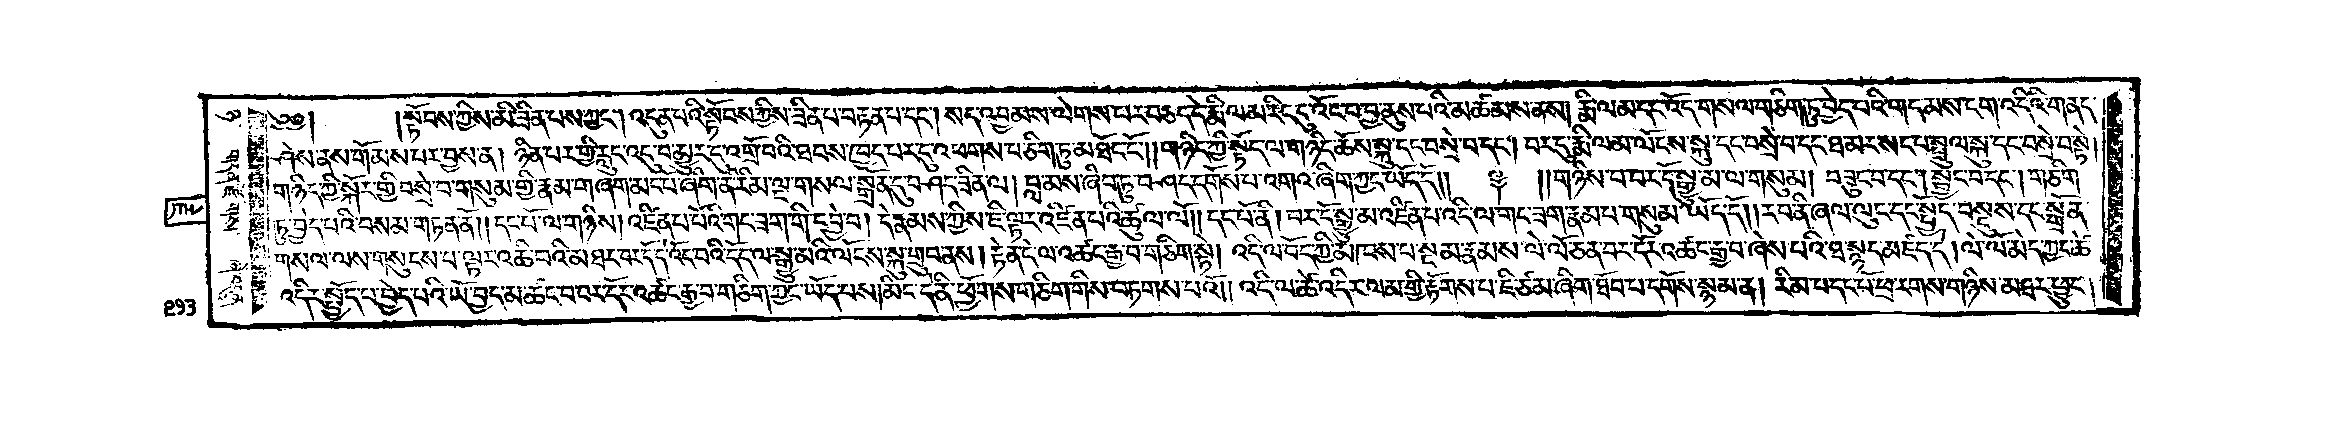༄༅། །སྟོབས་ཀྱིས་མི་ཟིན་པས་ཀྱང་། འདུན་པའི་སྟོབས་ཀྱིས་ཟིན་པ་བརྟན་པ་དང་། སད་འབྱམས་ལེགས་པར་བཅད་དེ་རྨི་ལམ་རིང་དུ་འོང་བ་བྱ་ནུས་པའི་མཚམས་ནས། རྨི་ལམ་དང་འོད་གསལ་གཅིག་ཏུ་བྱེད་པའི་གདམས་ངག་འདིའི་གནད་
ཤེས་ནས་གོམས་པར་བྱས་ན། ཉིན་པར་གྱི་རླུང་འདུ་བ་མྱུར་དུ་འགྲོ་བའི་ཐབས་ཁྱད་པར་དུ་འཕགས་པ་ཅིག་ཏུ་མཐོང་ངོ། །གཉིད་ཀྱི་སྟོད་ལ་གཉིད་ཆོས་སྐུ་དང་བསྲེ་བ་དང་། བར་དུ་རྨི་ལམ་ལོངས་སྐུ་དང་བསྲེ་བ་དང་ཐ་མར་སང་བ་སྤྲུལ་སྐུ་དང་བསྲེ་བ་སྟེ།
གཉིད་ཀྱི་སྐོར་གྱི་བསྲེ་བ་གསུམ་གྱི་རྣམ་གཞག་མང་པོ་ཞིག་ནི་རིམ་ལྔ་གསལ་སྒྲོན་དུ་བཤད་ཟིན་ལ། བླ་མས་ཞིབ་ཏུ་བཤད་དགོས་པ་འགའ་ཞིག་ཀྱང་ཡོད་དོ།། ༈ །།གཉིས་པ་བར་དོ་སྒྱུ་མ་ལ་གསུམ། བཟུང་བ་དང་། སྦྱང་བ་དང་། གཅིག་
ཏུ་བྱེད་པའི་བསམ་གཏན་ནོ། །དང་པོ་ལ་གཉིས། འཛིན་པ་པོའི་གང་ཟག་གི་དབྱེ་བ། དེ་རྣམས་ཀྱིས་ཇི་ལྟར་འཛིན་པའི་ཚུལ་ལོ། །དང་པོ་ནི། བར་དོ་སྒྱུ་མ་འཛིན་པ་འདི་ལ་གང་ཟག་རྣམ་པ་གསུམ་ཡོད་དོ། །རབ་ནི་ཞལ་ལུང་དང་སྤྱོད་བསྡུས་དང་སྒྲོན་
གསལ་ལས་གསུངས་པ་ལྟར་འཆི་བའི་མཐར་བར་དོ་དེ་འོང་བའི་དོད་ལ་སྒྱུ་མའི་ལོངས་སྐུ་གྲུབ་ནས། རྟེན་དེ་ལ་འཚང་རྒྱ་བ་གཅིག་སྟེ། འདི་ལ་བོད་ཀྱི་མཁས་པ་སྔ་མ་རྣམས་ལེ་ལོ་ཅན་བར་དོར་འཚང་རྒྱ་བ་ཞེས་པའི་ཐ་སྙད་མཛད་དེ། ལེ་ལོ་མེད་ཀྱང་ཚེ་
འདིར་སྤྱོད་པ་བྱེད་པའི་ཡོ་བྱད་མ་ཚང་བ་བར་དོར་འཚང་རྒྱ་བ་གཅིག་ཀྱང་ཡོད་པས། མིང་དེ་ནི་ཕྱོགས་གཅིག་གིས་བཏགས་པའོ། །འདི་ལ་ཚེ་འདིར་ལམ་གྱི་རྟོགས་པ་ཇི་ཙམ་ཞིག་ཐོབ་པ་དགོས་སྙམ་ན། རིམ་པ་དང་པོ་ཕྲ་རགས་གཉིས་མཐར་ཕྱུང་།